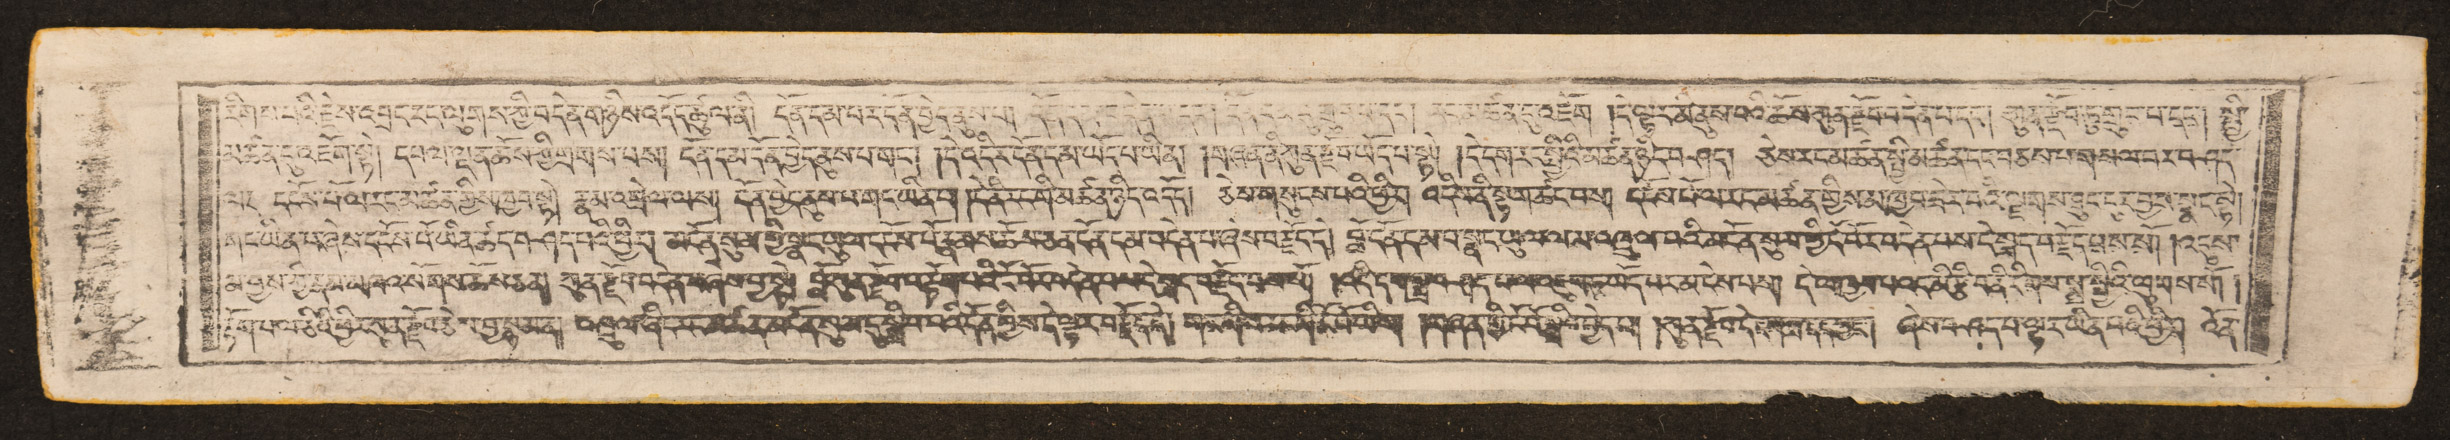རིགས་པའི་རྗེས་འབྲང་རང་ལུགས་ཀྱི་བདེན་གཉིས་འདོད་ཚུལ་ནི། དོན་དམ་པར་དོན་བྱེད་ནུས་པ། དོན་དམ་བདེན་པ་དང་། དོན་དམ་དུ་གྲུབ་པ་དང་། རང་མཚན་དུ་འཇོག །དེ་ལྟར་མི་ནུས་པའི་ཆོས་ཀུན་རྫོབ་བདེན་པ་དང་། ཀུན་རྫོབ་ཏུ་གྲུབ་པ་དང་། སྤྱི་
མཚན་དུ་འཇོག་སྟེ། དཔལ་ལྡན་ཆོས་ཀྱི་གྲགས་པས། དོན་དམ་དོན་བྱེད་ནུས་པ་གང་། །དེ་འདིར་དོན་དམ་ཡོད་པ་ཡིན། །གཞན་ནི་ཀུན་རྫོབ་ཡོད་པ་སྟེ། །དེ་དག་རང་སྤྱིའི་མཚན་ཉིད་བཤད། ཅེས་རང་མཚན་སྤྱི་མཚན་དང་བཅས་པ་གསལ་བར་བཤད་
ལ༑ དངོས་པོ་ལ་རང་མཚན་གྱིས་ཁྱབ་སྟེ། རྣམ་འགྲེལ་ལས། དོན་བྱེད་ནུས་པ་གང་ཡིན་པ། །དེ་ནི་རང་གི་མཚན་ཉིད་འདོད། ཅེས་གསུངས་པའི་ཕྱིར། འདིས་ནི་སྟག་ཚང་བས། དངོས་པོ་ལ་རང་མཚན་གྱིས་མ་ཁྱབ་ཟེར་བའི་ལྗགས་ཐུང་དུར་བྱས་སྣང་སྟེ།
གང་ཡིན་པ་ཞེས་དངོས་པོ་ཡིན་ཚད་བཤད་པའི་ཕྱིར། མངོན་སུམ་གྱི་སྣང་ཡུལ་དངོས་པོ་རྣམས་ཆོས་ཅན་དོན་དམ་བདེན་པ་ཞེས་བརྗོད་དེ། བློ་དོན་དམ་པ་སྣང་ཡུལ་ལ་མ་འཁྲུལ་པའི་མངོན་སུམ་གྱི་ངོ་བོར་བདེན་པས་དེ་སྐད་བརྗོད་པས་སོ། །འདུས་
མ་བྱས་ཀྱི་ནམ་མཁའ་སོགས་ཆོས་ཅན། ཀུན་རྫོབ་བདེན་པ་ཞེས་བྱ་སྟེ། བློ་ཀུན་རྫོབ་པ་རྟོག་པའི་ངོ་བོར་བདེན་པས་དེ་སྐད་བརྗོད་པས་སོ། །འདི་དག་སྒྲ་བཤད་པ་ལ་འཇུག་ཏུ་ཡོད་པར་མ་ངེས་པས། དེ་ལ་ཁྱབ་པའང་མི་རྩིབ་ནི་རིགས་སྨྲ་སྤྱིའི་ལུགས་སོ། །
རྟོག་པ་ལ་ཅིའི་ཕྱིར་ཀུན་རྫོབ་ཅེས་བྱ་སྙམ་ན། འཁྲུལ་ཞིང་རང་མཚན་མངོན་སུམ་དུ་སྒྲིབ་པའི་དོན་གྱིས་དེ་ལྟར་བརྗོད་དེ། གང་གིས་རང་གི་ངོ་བོ་ཡིས། །གཞན་གྱི་ངོ་བོ་སྒྲིབ་བྱེད་པ། །ཀུན་རྫོབ་དེ་དག་ཐ་དད་ཀྱང་། ཞེས་བཤད་པ་ལྟར་ཡིན་པའི་ཕྱིར། འོན་